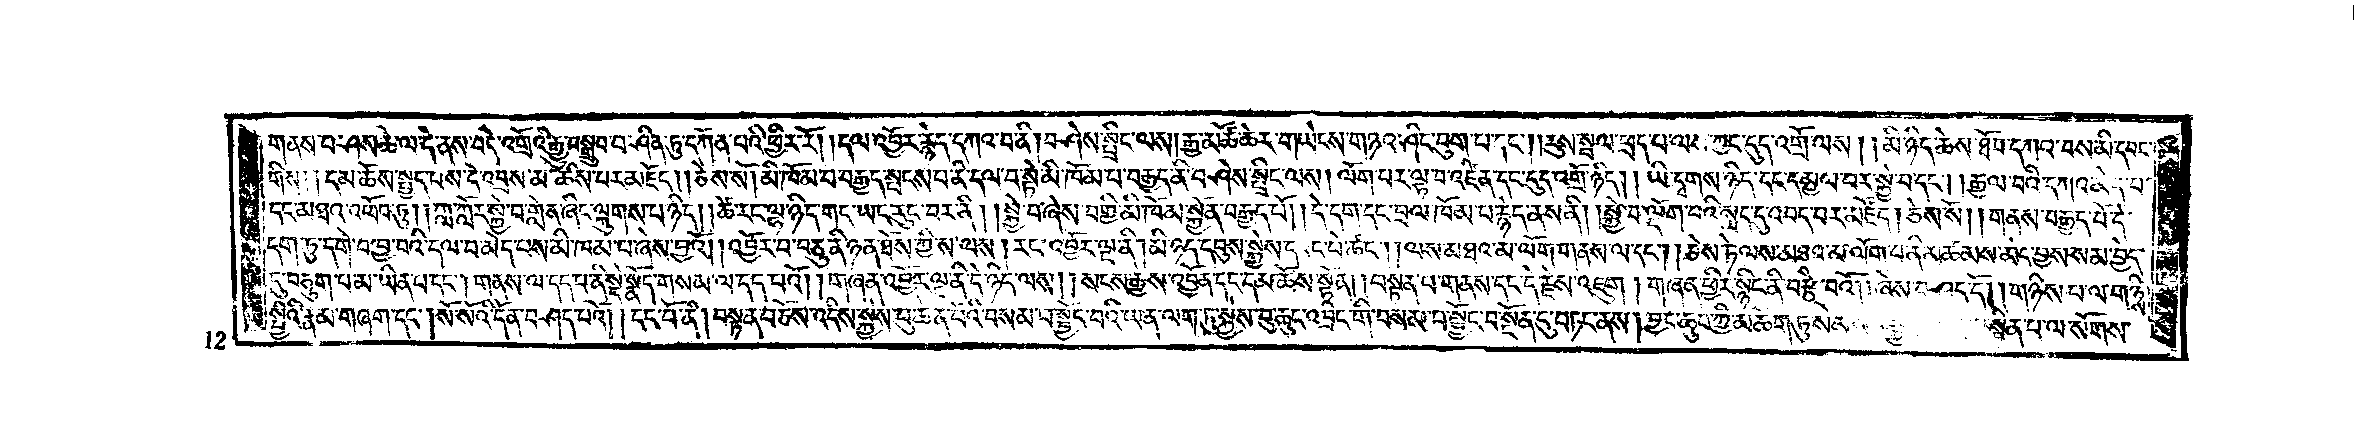གནས་པ་ཤས་ཆེ་ལ་དེ་ནས་བདེ་འགྲོའི་རྒྱུ་བསྒྲུབ་པ་ཤིན་ཏུ་དཀོན་པའི་ཕྱིར་རོ། །དལ་འབྱོར་རྙེད་དཀའ་བ་ནི། བཤེས་སྤྲིང་ལས། རྒྱ་མཚོ་ཆེར་གཡེངས་གཉའ་ཤིང་བུག་པ་དང་། །རུས་སྦལ་ཕྲད་པ་ལས་ཀྱང་དུད་འགྲོ་ལས། །མི་ཉིད་ཆེས་ཐོབ་དཀའ་བས་མི་དབང་
གིས༑ ༑དམ་ཆོས་སྤྱོད་པས་དེ་འབྲས་མ་ཚས་པར་མཛོད། །ཅེས་སོ། མི་ཁོམ་པ་བརྒྱད་སྤངས་པ་ནི་དལ་བ་སྟེ་མི་ཁོམ་པ་བརྒྱད་ནི་བཤེས་སྤྲིང་ལས། ལོག་པར་ལྟ་བ་འཛིན་དང་དུད་འགྲོ་ཉིད། །ཡི་དྭགས་ཉིད་དང་དམྱལ་བར་སྐྱེ་བ་དང་། །རྒྱལ་བའི་དཀའ་མེད་པ་
དང་མཐའ་འཕོབ་ཏུ། །ཀླ་ཀློར་སྐྱེ་བ་གླེན་ཞིན་ལྐུགས་པ་ཉིད། ཚེ་རང་ལྷ་ཉིད་གང་ཡང་རུང་བར་ནི། །སྐྱེ་བ་ཞེས་བགྱི་མི་ཁོམ་སྐྱོན་བརྒྱད་པོ། །དེ་དག་དང་བྲལ་ཁོམ་པ་རྙེད་ནས་ནི། །སྐྱེ་བ་ལྡོག་པའི་སྐད་དུ་འབད་པར་མཛོད། ཅེས་སོ། །གནས་བརྒྱད་པོ་དེ་
དག་ཏུ་དགེ་བ་བྱ་བའི་དལ་བ་མེད་པས་མི་ཁམ་ཞེས་བྱའོ། །འབྱོར་བ་བཅུ་ནི་ཉན་ཐོས་ཀྱི་ས་ལས། རབ་འབྱོར་ལྔ་ནི། མི་ཉད་དབུས་སྐྱེས་དབང་པོ་ཚང་། །ལས་མཐའ་མ་ལོག་གནས་ལ་དང་། །ཅེས་ཏེ་ལས་མཐའ་མ་ལོག་པ་ནི་མཚམས་མེད་བྱས་སམ་བྱེད་
དུ་བཅུག་པ་མ་ཡིན་པ་དང་། གནས་ལ་དད་པ་ནི་སྡེ་སྣོད་གསམ་ལ་དད་པའོ། །གཞན་འབྱོར་ལྔ་ནི་དེ་ཉིད་ལས། །སངས་རྒྱས་འབྱོར་དང་དམ་ཆོས་སྟོན། །བསྟན་པ་གནས་དང་དེ་རྗེས་འཇུག །གཞན་ཕྱིར་སྙིང་ནི་བརྩི་བའོ། །ཞེས་བཤད་དོ། །གཉིས་པ་ལ་གཉིས།
སྤྱིའི་རྣམ་གཞག་དང་། སོ་སོའི་དོན་བཤད་པའོ། །དང་པོ་ནི། བསྟན་བཅོས་འདིས་སྐྱེས་བུ་ཆེན་པོའི་བསམ་པ་སྦྱོང་བའི་ཡན་ལག་ཏུ་སྐྱེས་བུ་ཆུང་འབྲིང་གི་བསམ་པ་སྦྱོང་བ་སྔོན་དུ་བཏང་ནས། བྱང་ཆུབ་ཀྱི་མཆོག་ཏུ་སེམས་བསྐྱེད་དེ་སྤྱོད་པ་སྦྱིན་པ་ལ་སོགས་